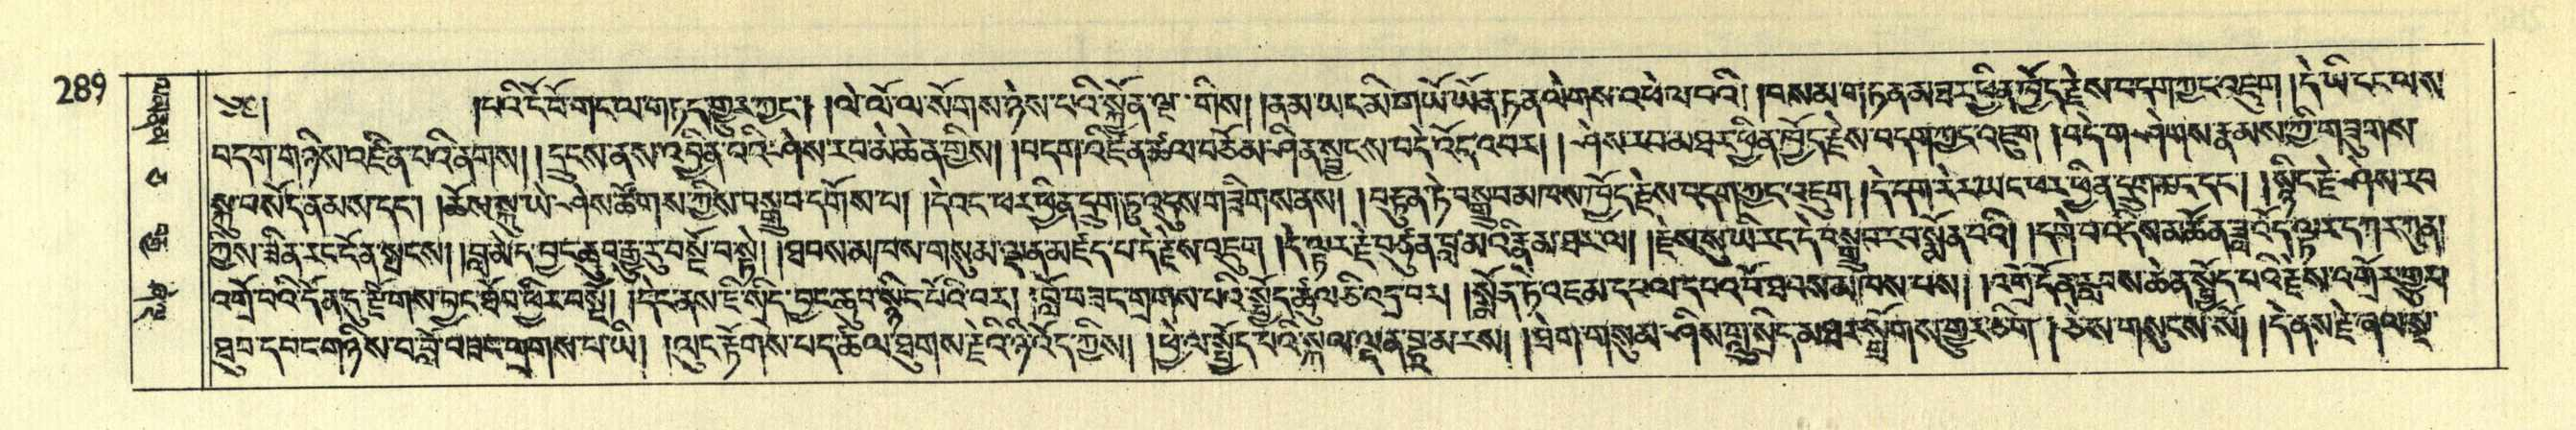༄༅། །པའི་ངོ་བོ་གང་ལ་གཏད་གྱུར་ཀྱང་། །ལེ་ལོ་ལ་སོགས་ཉེས་པའི་སྐྱོན་ལྔ་གིས། །ནམ་ཡང་མི་གཡོ་ཡོན་ཏན་ལེགས་འཕེལ་བའི། །བསམ་གཏན་མཐར་ཕྱིན་ཁྱོད་རྗེས་བདག་ཀྱང་འཇུག །དེ་ཡི་ངང་ལས་
བདག་གཉིས་འཛིན་པའི་ནགས། །དྲུངས་ནས་འབྱིན་པའི་ཤེས་རབ་མེ་ཆེན་གྱིས། །བདག་འཛིན་ཚལ་བཅོམ་ཤིན་སྦྱངས་བདེ་འོང་འབར། །ཤེས་རབ་མཐར་ཕྱིན་ཁྱོད་རྗེས་བདག་ཀྱང་འཇུག །བདེ་གཤེགས་རྣམས་ཀྱི་གཟུགས་
སྐུ་བསོད་ནམས་དང་། །ཆོས་སྐུ་ཡེ་ཤེས་ཚོགས་ཀྱིས་བསྒྲུབ་དགོས་པ། །དེའང་ཕར་ཕྱིན་དྲུག་ཏུ་འདུས་གཟིགས་ནས། །བརྟུན་ཏེ་བསྒྲུབ་མཁས་ཁྱོད་རྗེས་བདག་ཀྱང་འཇུག །དེ་དག་རེར་ཡང་ཕར་ཕྱིན་དྲུག་ཆང་དང་། །སྙིང་རྗེ་ཤེས་རབ་
ཀྱིས་ཟིན་རང་དོན་སྤངས། །བླ་མེད་བྱང་ཆུབ་རྒྱུ་རུ་བསྔོ་བ་སྟེ། །ཐབས་མཁས་གསུམ་ལྡན་མཛད་པ་དེ་རྗེས་འཇུག །དེ་ལྟར་རྗེ་བཙུན་བླ་མའི་རྣམ་ཐར་ལ། །རྗེས་སུ་ཡི་རང་དེ་བསྒྲུབ་རབ་སྨོན་བའི། །དགེ་བ་འདིས་མཚོན་ཟླ་འོད་ལྟར་དཀར་ཀུན།
འགྲོ་བའི་དོན་དུ་རྫོགས་བྱང་ཐོབ་ཕྱིར་བསྔོ། །དེང་ནས་ཇི་སྲིད་བྱང་ཆུབ་སྙིང་པོའི་བར། །བློ་བཟང་གྲགས་པའི་སྤྱོད་ཚུལ་ཅི་འདྲ་བར། །སྨོན་ཏེ་འཇམ་དཔལ་དཔའ་བོ་ཐབས་མཁས་པས། །འགྲོ་དོན་རླབས་ཆེན་སྤྱོད་པའི་རྗེས་འགྲོར་གྱུར།
ཐུབ་དབང་གཉིས་བ་བློ་བཟང་གྲགས་པ་ཡི། །ལུང་རྟོགས་པད་ཚལ་ཐུགས་རྗེའི་ཉི་འོད་ཀྱིས། །ཕྱེ་ལ་སྤྱོད་པའི་སྐལ་ལྡན་བྷྲ་མ་རས། །ཐེག་གསུམ་ཤིས་གླུ་སྲིད་མཐར་སྒྲོགས་གྱུར་ཅིག །ཅེས་གསུངས་སོ། །དེ་ནས་རྗེ་ཞལ་སྔ་